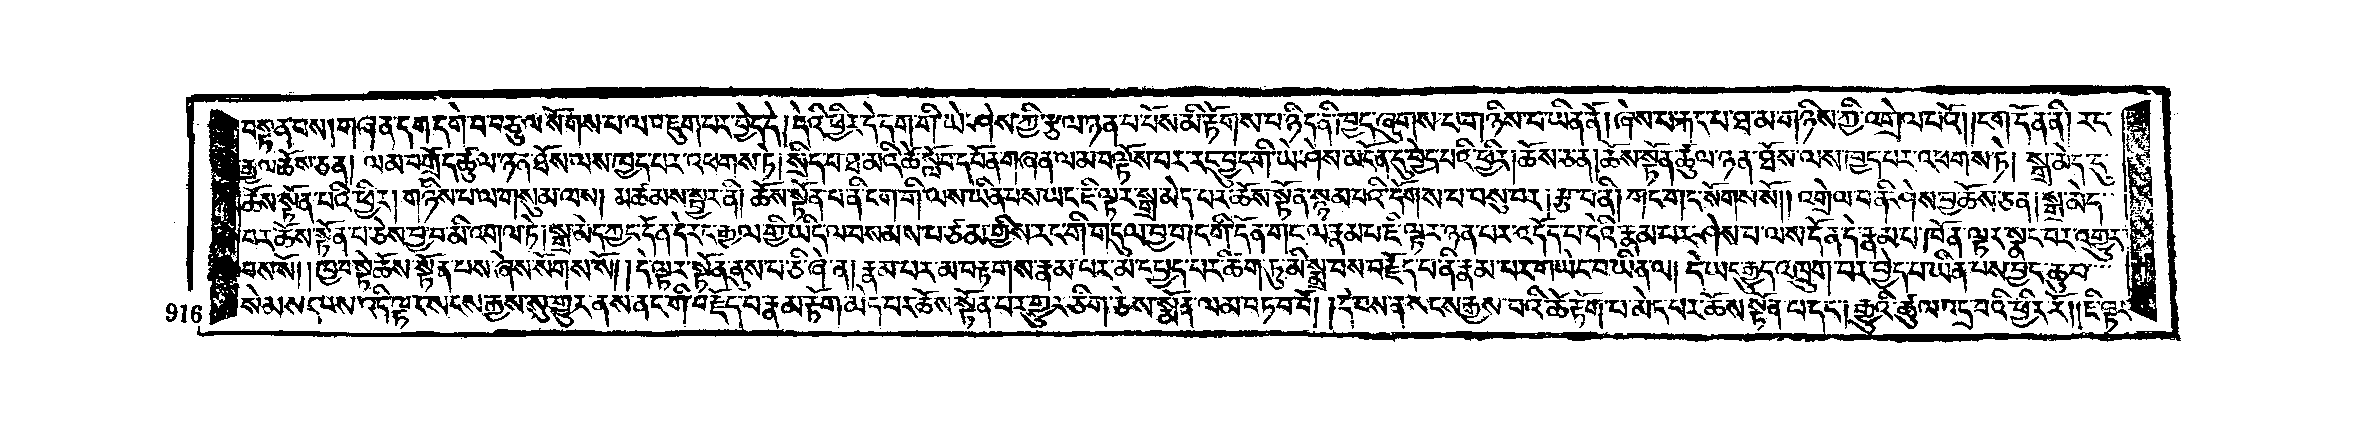བསྟན་པས། གཞན་དག་དགེ་བ་བཅུ་ལ་སོགས་པ་ལ་འཇུག་པར་བྱེད་དེ། དེའི་ཕྱིར་དེ་དག་གི་ཡེ་ཤེས་ཀྱི་རྩལ་ཉན་པ་པོས་མི་རྟོགས་པ་ཉིད་ནི་ཁྱད་ཞུགས་པ་གཉིས་པ་ཡིན་ནོ། ཞེས་པ་རྐང་པ་ཐ་མ་གཉིས་ཀྱི་འགྲེལ་བའོ། །ངག་དོན་ནི། རང་
རྒྱལ་ཆོས་ཅན། ལམ་བགྲོད་ཚུལ་ཉན་ཐོས་ལས་ཁྱད་པར་འཕགས་ཏེ། སྲིད་པ་ཐ་མའི་ཚེ་སློབ་དཔོན་གཞན་ལ་མ་བལྟོས་པར་རང་བྱུང་གི་ཡེ་ཤེས་མངོན་དུ་བྱེད་པའི་ཕྱིར། ཆོས་ཅན། ཆོས་སྟོན་ཚུལ་ཉན་ཐོས་ལས་ཁྱད་པར་འཕགས་ཏེ། སྒྲ་མེད་དུ་
ཆོས་སྟོན་པའི་ཕྱིར། གཉིས་པ་ལ་གསུམ་ལས། མཚམས་སྦྱར་ནི། ཆོས་སྟོན་པ་ནི་ངག་གི་ལས་ཡིན་པས་ཡང་ཇི་ལྟར་སྒྲ་མེད་པར་ཆོས་སྟོན་སྙམ་པའི་དོགས་པ་བསུ་པར། རྩ་བ་ནི་གང་གང་སོགས་སོ། །འགྲེལ་བ་ནི་ཤེས་བྱ་ཆོས་ཅན། སྒྲ་མེད་
པར་ཆོས་སྟོན་པ་ཅེས་བྱ་བ་མི་འགལ་ཏེ། སྒྲ་མེད་ཀྱང་དོན་དེ་རང་རྒྱལ་གྱི་ཡིད་ལ་བསམས་པ་ཙམ་གྱིས་རང་གི་གདུལ་བྱ་གང་གི་དོན་གང་ལ་རྣམ་པ་ཇི་ལྟར་ཉན་པར་འདོད་པ་དེའི་རྣམ་པར་ཤེས་པ་ལས་དོན་དེ་རྣམ་པ་ཁོ་ན་ལྟར་སྣང་བར་འགྱུར་
བས་སོ། །ཁྱབ་སྟེ་ཆོས་སྟོན་པས་ཞེས་སོགས་སོ། །དེ་ལྟར་སྟོན་ནུས་པ་ཅི་ཞེ་ན། རྣམ་པར་བརྟགས་རྣམ་པར་མ་དཔྱད་པར་ཚིག་ཏུ་མི་སྨྲ་བས་བརྗོད་པ་ནི་རྣམ་པར་གཡེང་བ་ཡིན་ལ། དེ་ཡང་རྒྱུད་འཁྲུག་པར་བྱེད་པ་ཡིན་པས་བྱང་ཆུབ་
སེམས་དཔས་འདི་ལྟར་སངས་རྒྱས་སུ་གྱུར་ནས་ནང་གི་བརྗོད་པ་རྣམ་རྟོག་མེད་པར་ཆོས་སྟོན་པར་གྱུར་ཅིག་ཅེས་སྨོན་ལམ་བཏབ་བོ། །དེ་བས་ན་སངས་རྒྱས་པའི་ཚེ་རྟོག་པ་མེད་པར་ཆོས་སྟོན་པ་དང་། རྒྱུའི་ཚུལ་འདྲ་བའི་ཕྱིར་རོ། །ཇི་ལྟར་